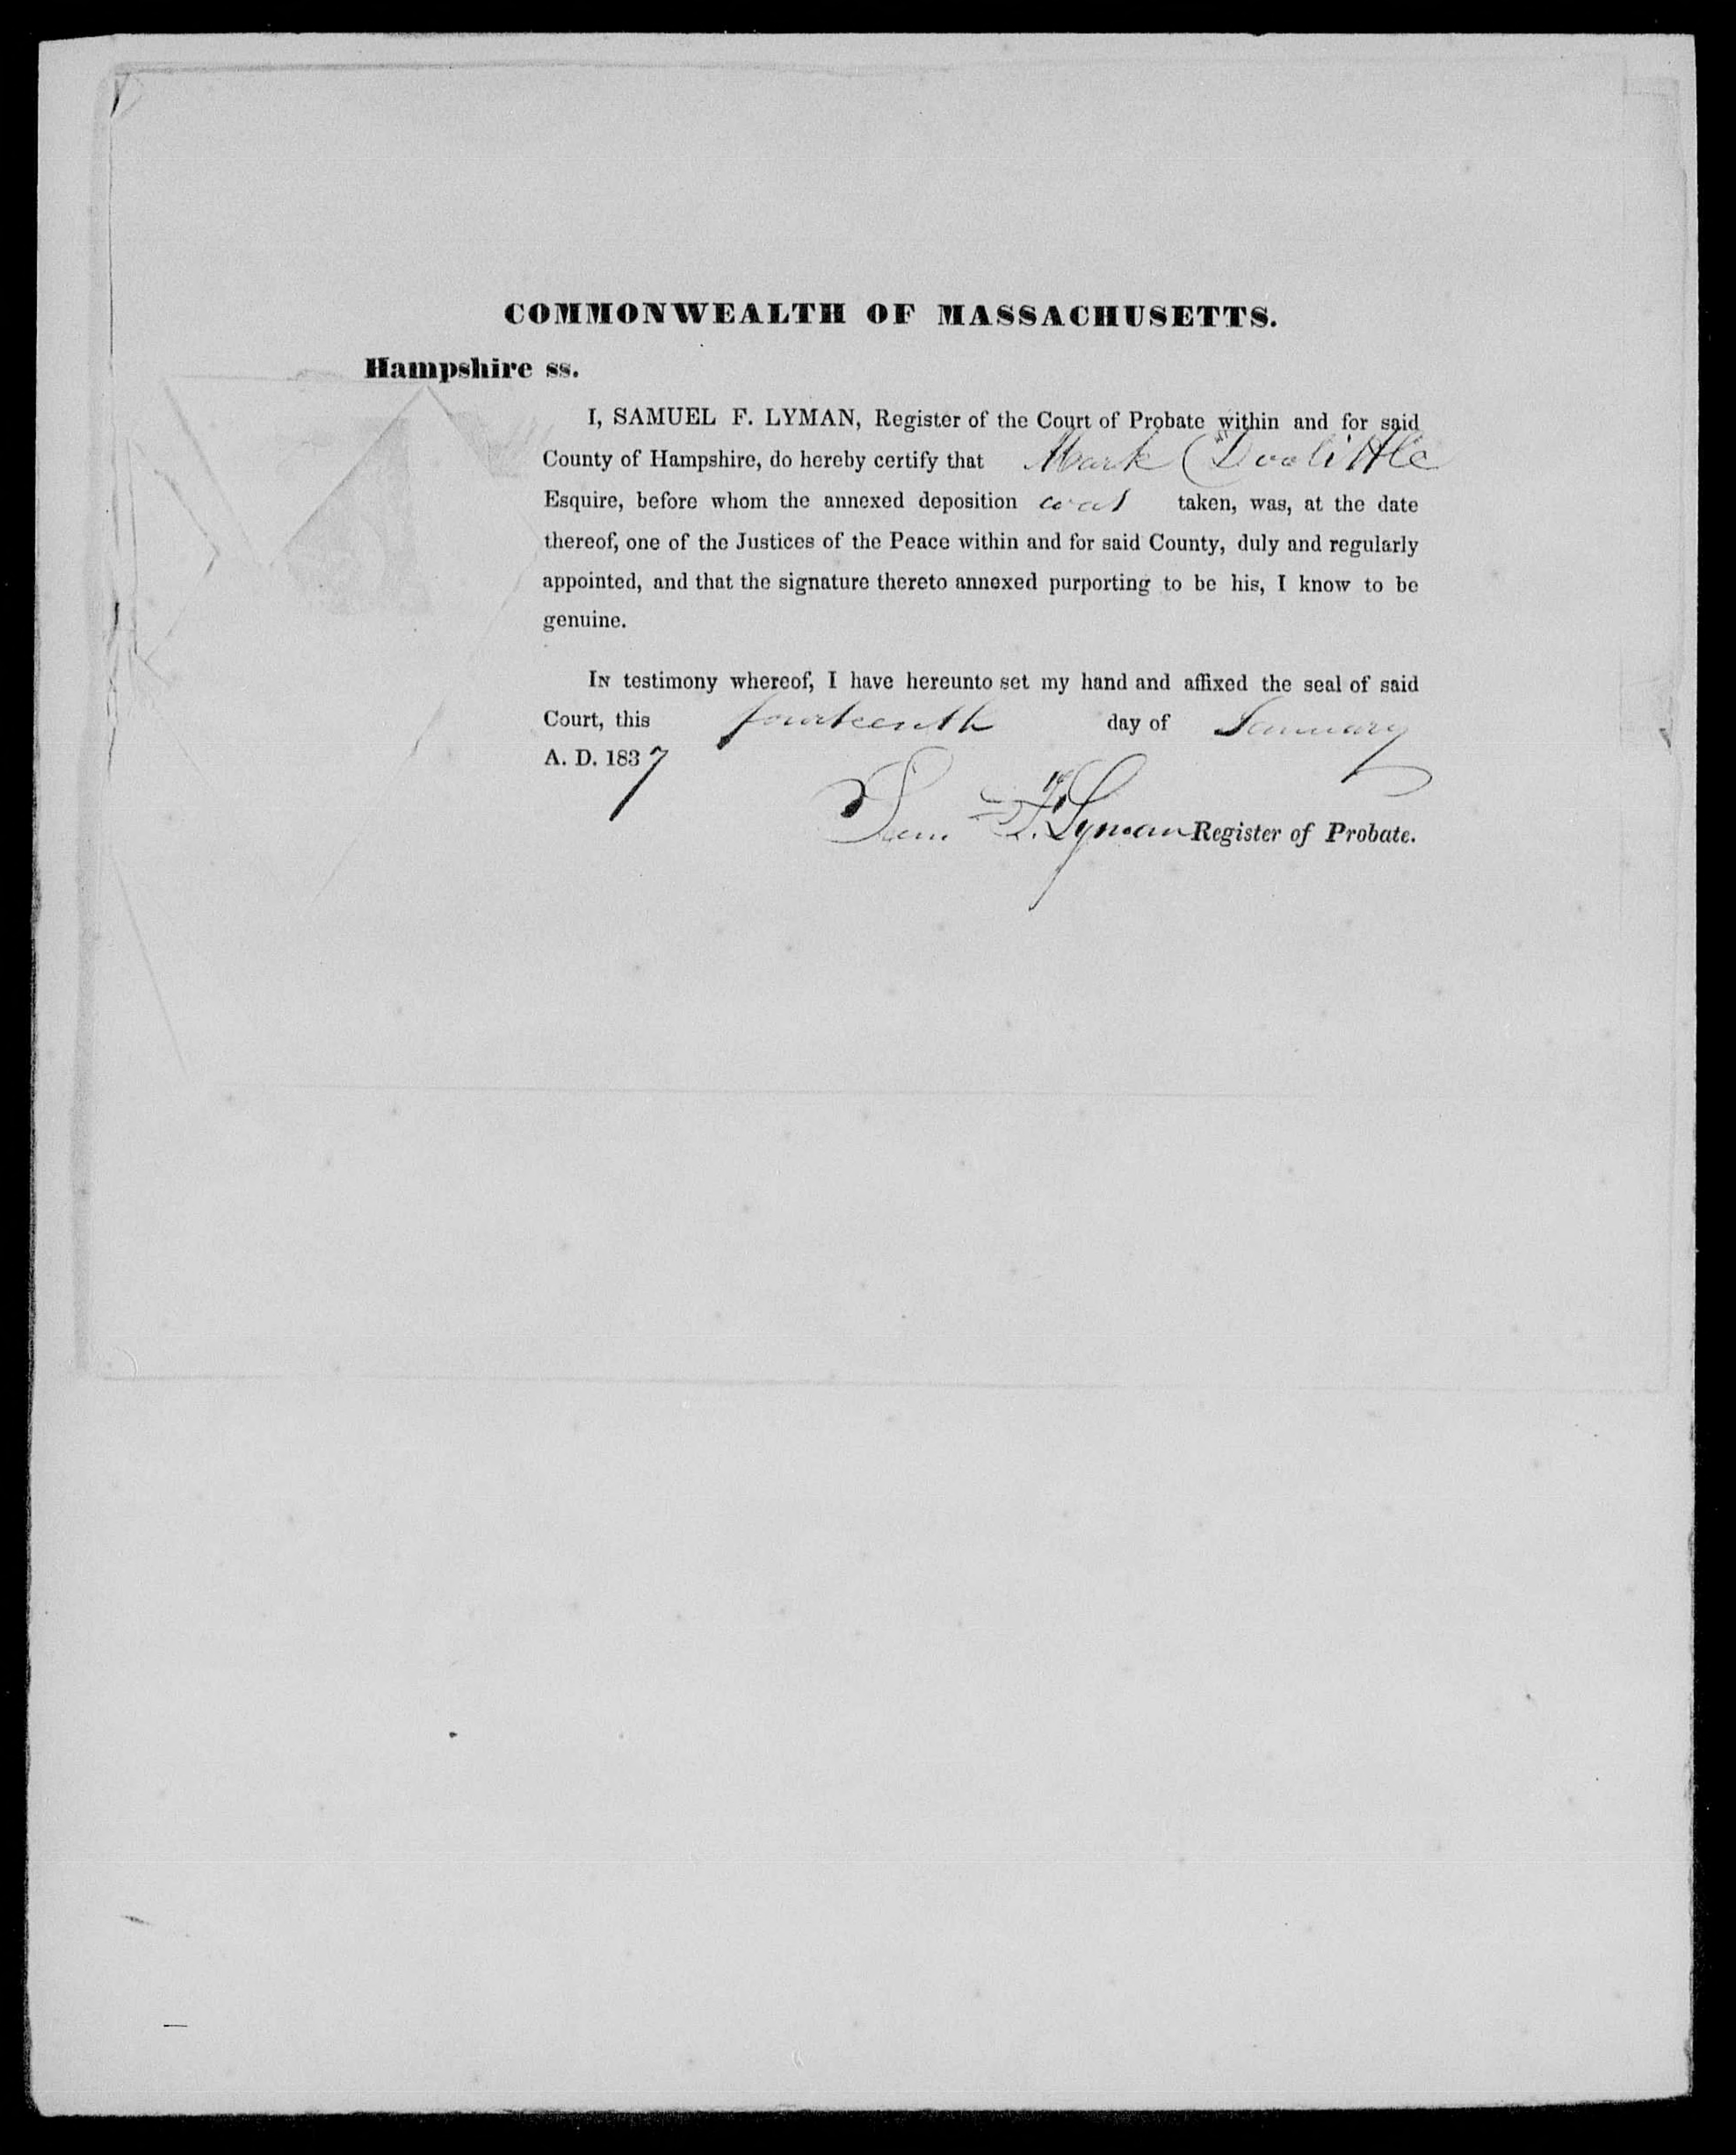Commonwealth of Massachusetts.
Hampshire ss.
I, SAMUEL F. LYMAN, Register of the Court of Probate within and for said County of Hampshire, do hereby certify that [handwritten] Mark Doolittle [end handwritten] Esquire, before whom the annexed deposition [handwritten] was [end handwritten] taken, was, at the date thereof, one of the Justices of the Peace within and for said County, duly and regularly appointed, and that the signature thereto annexed purporting to be his, I know to be genuine.
In testimony whereof, I have hereunto set my hand and affixed the seal of said Court, this [handwritten] fourteenth [end handwritten] day of [handwritten] January [end handwritten] A. D. 1837 [last number handwritten]
[handwritten] Sam F. Lyman [end handwritten] Register of Probate.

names: Samuel F Lyman, Mark Doolittle, Saml F Lyman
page: 12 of 26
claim: widow's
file: W. 21,238, Timothy Guilford, Mass.